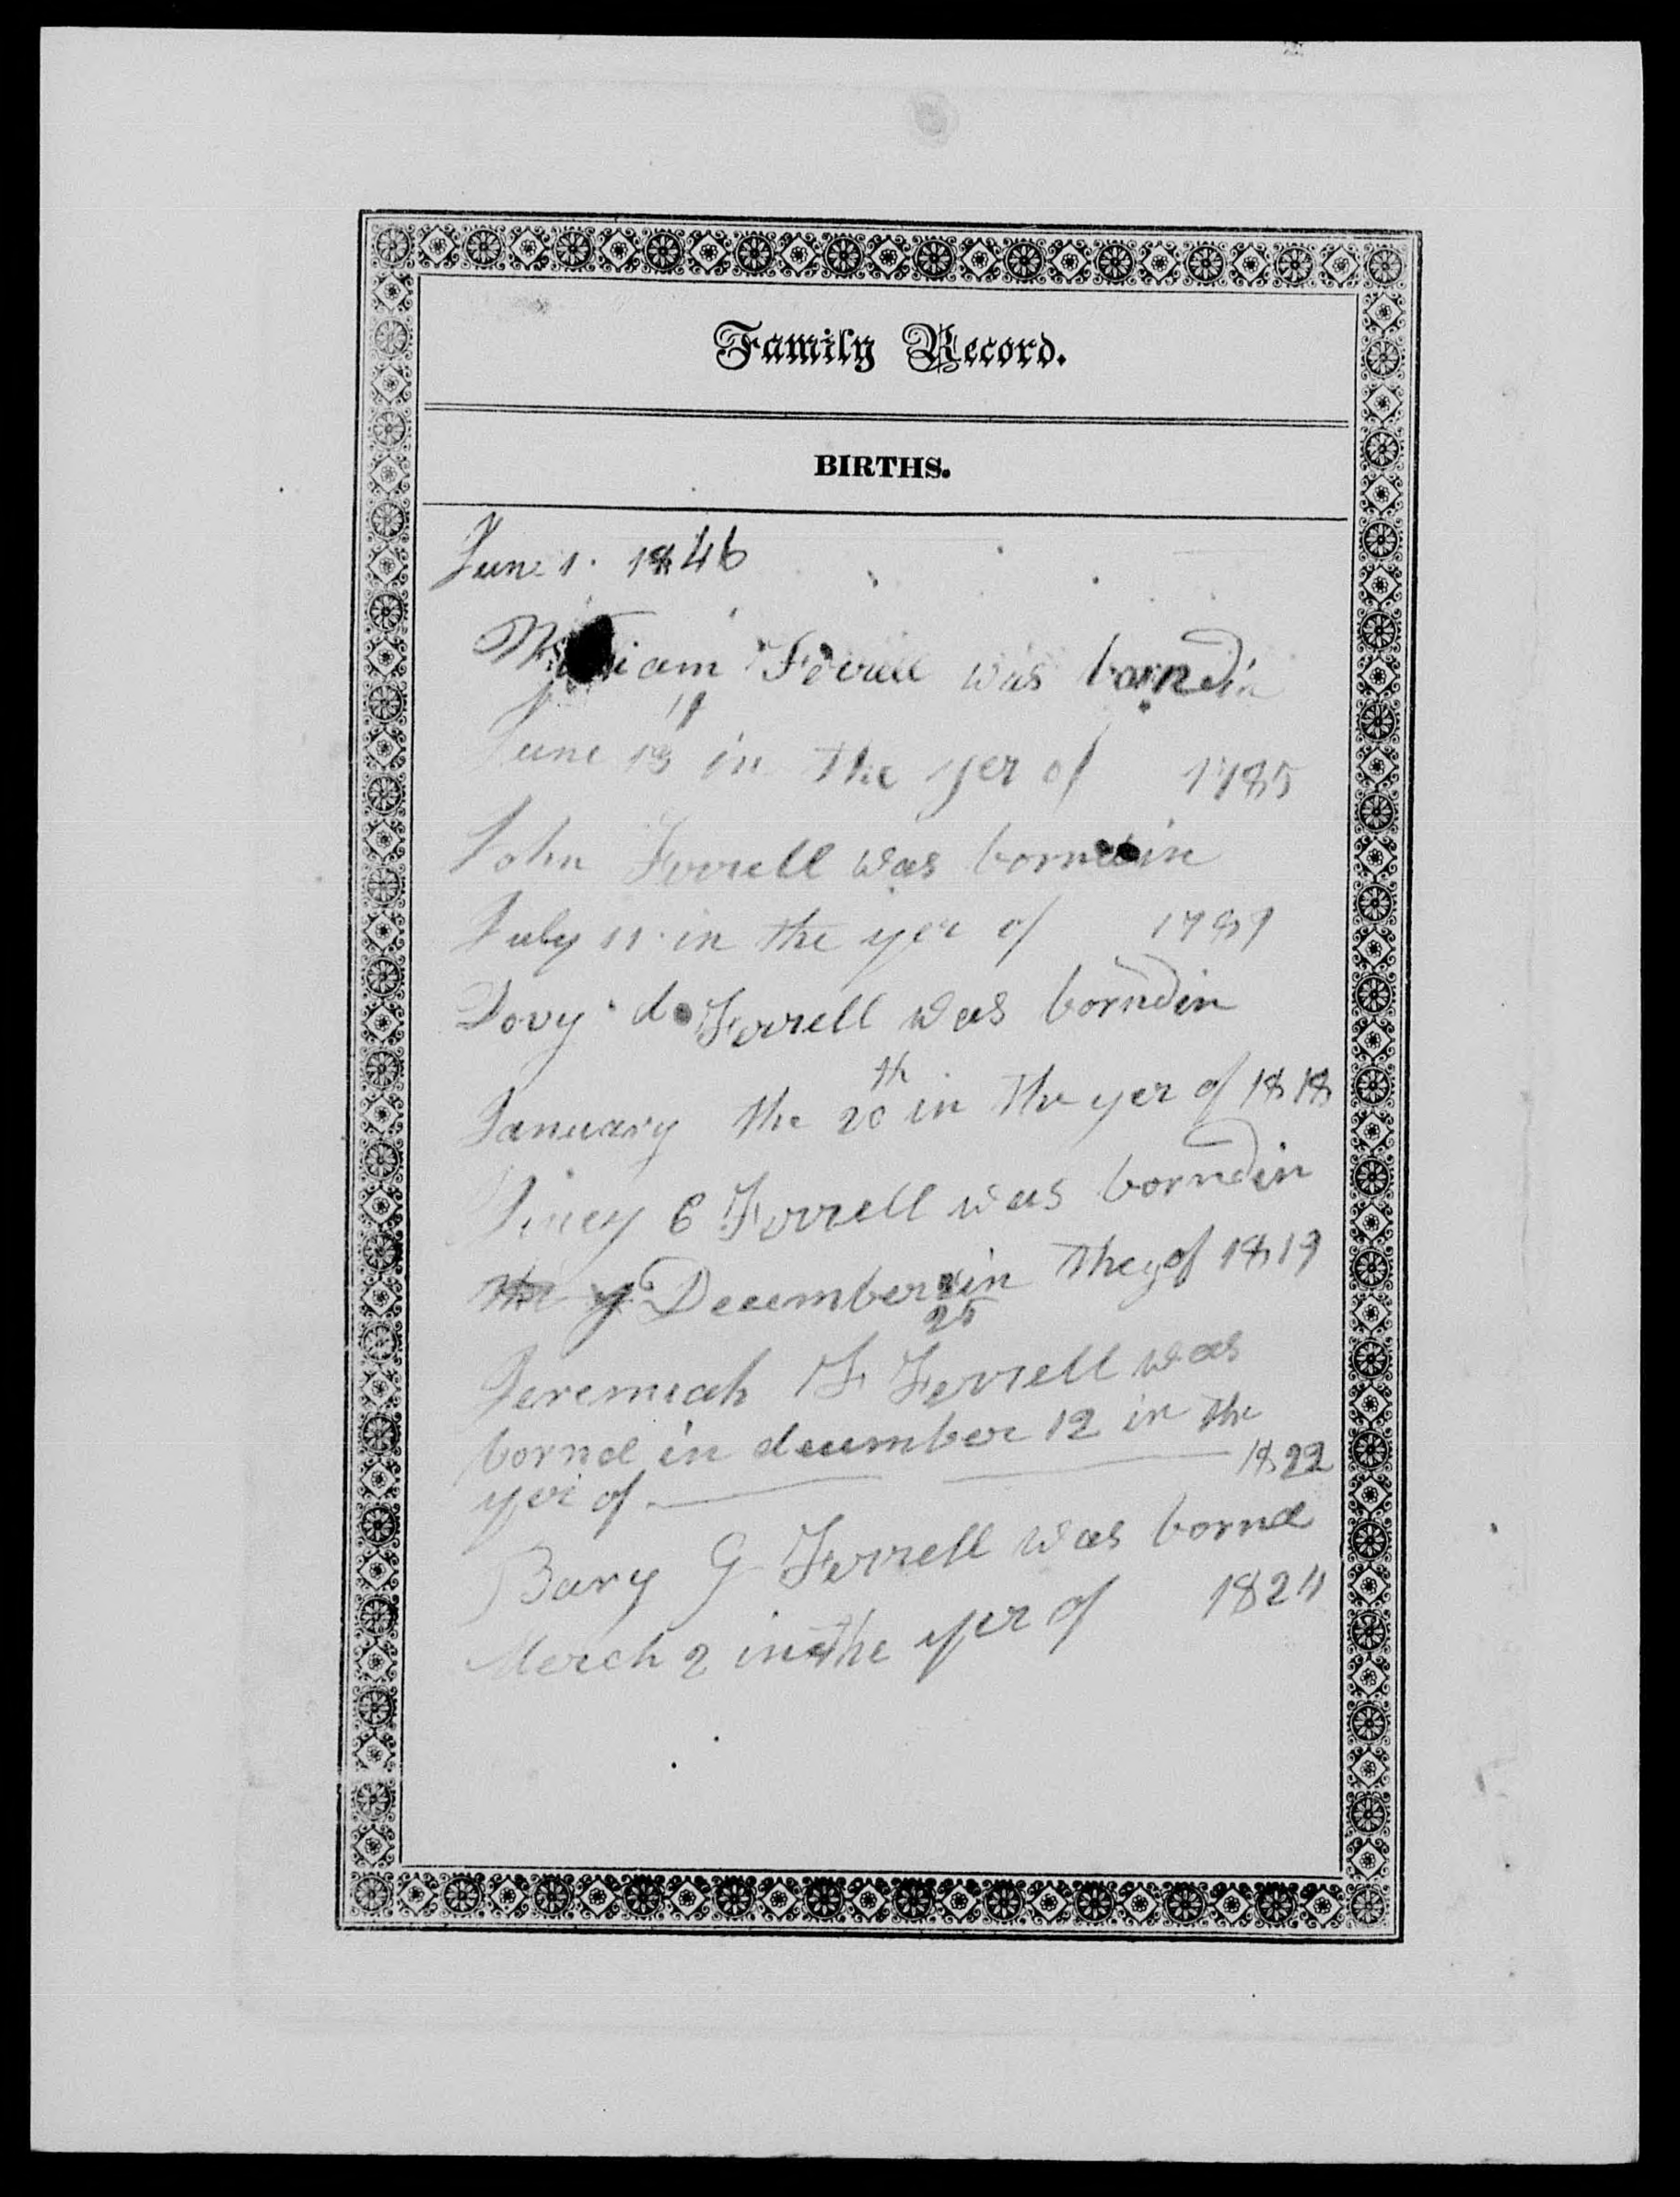Family Record.

BIRTHS.

June 1, 1846

William Ferrell was bornd in June 13 in the yer of 1785
John Ferrell was bornd in July 11 in the yer of 1789
Dovy D. Ferrell was bornd in January the 20th in the yer of 1818
Nancy C. Ferrell was bornd in December 25 in they of 1819
Jeremiah F Ferrell was bornd in december 12 in the yer of [two verical lines] 1822
Bary G Ferrell was bornd March 2 in the yer of 1824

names: Dovy D Ferrell, Nancy C Ferrell, John Ferrell, William Ferrell, Jeremiah F Ferrell, Bary G Ferrell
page: 2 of 52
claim: rejected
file: R. 3,512, John Ferrell, N.C.